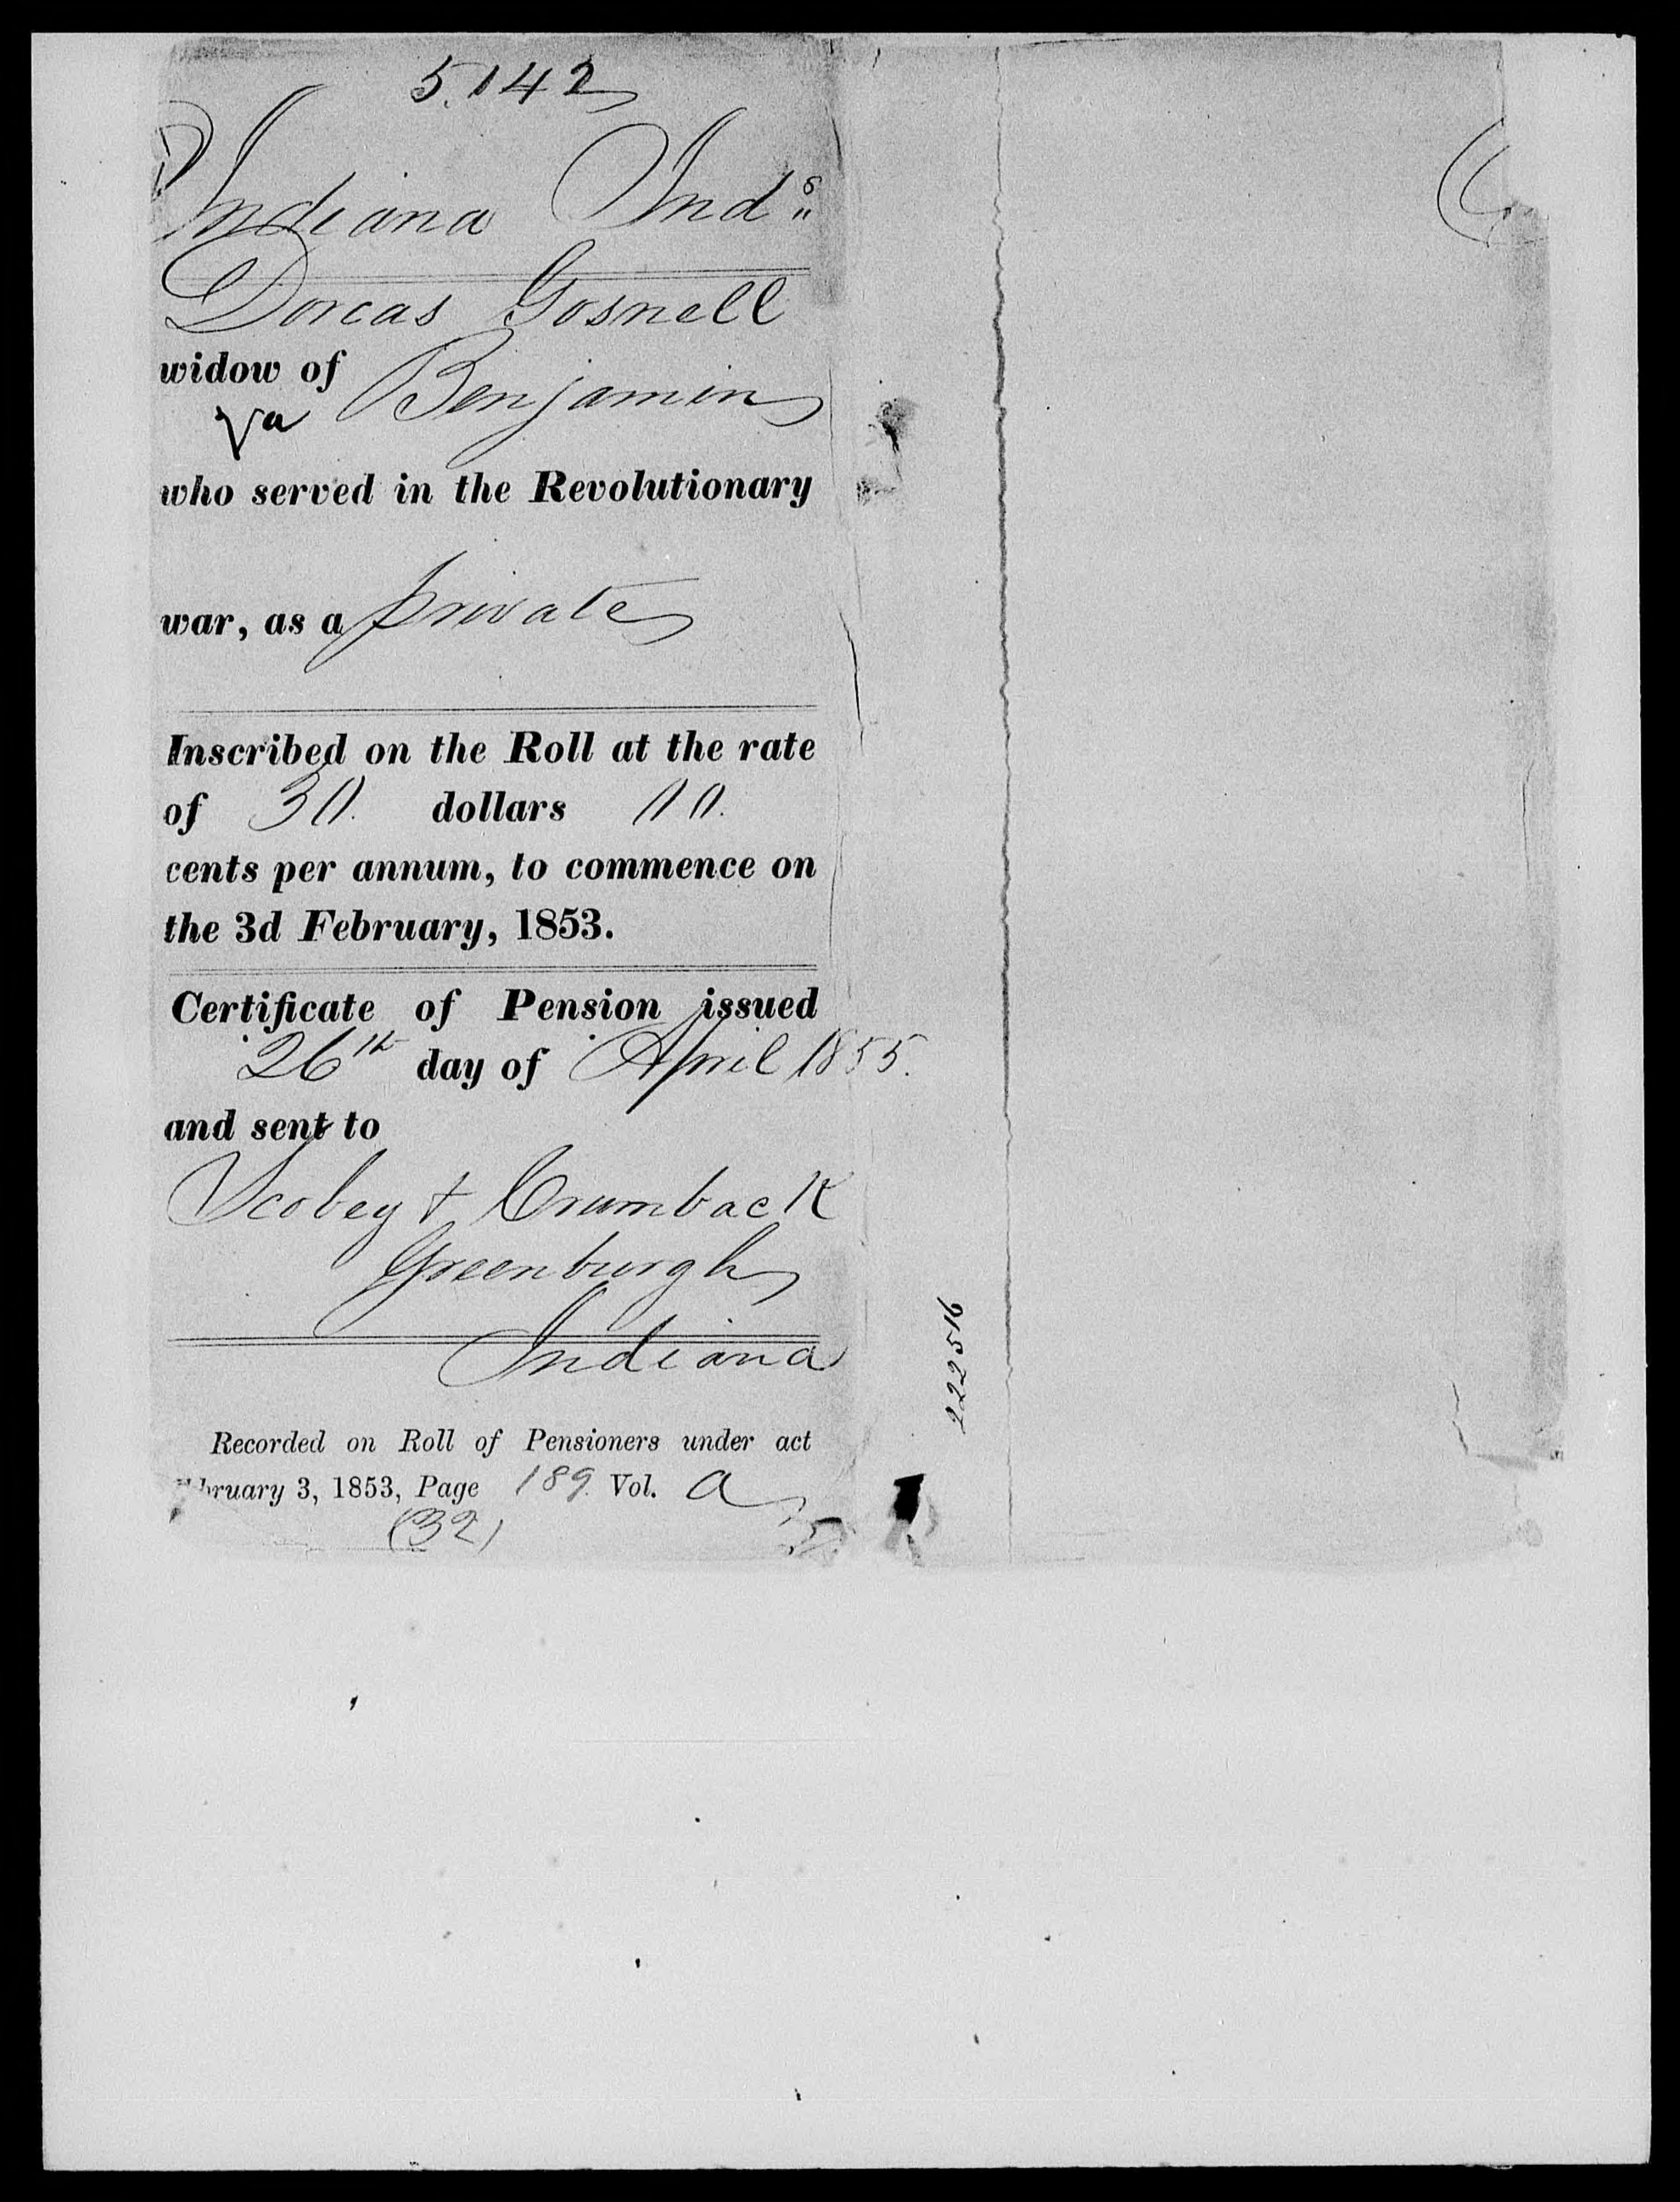5142
Indiana  Ind
Dorcas Gosnell
widow of Benjamin
Va
who served in the Revolutionary
war, as a private

Inscribed on the Roll at the rate
of 30 dollars 00.
cents per annum, to commence on
the 3d February, 1853.

Certificate of Pension issued
26th day of April 1855.
and sent to
Scobey & Crumback [Cumback]
Greenburgh [Greensburg]
Indiana

Recorded on Roll of Pensioners under act
February 3, 1853, Page 189 Vol. A
                  (32)

222516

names: Dorcas Gosnell, Benjamin Gosnell, Scobey, Crumback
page: 3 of 39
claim: widow's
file: W. 11060, Benjamin Gosnell, Va.